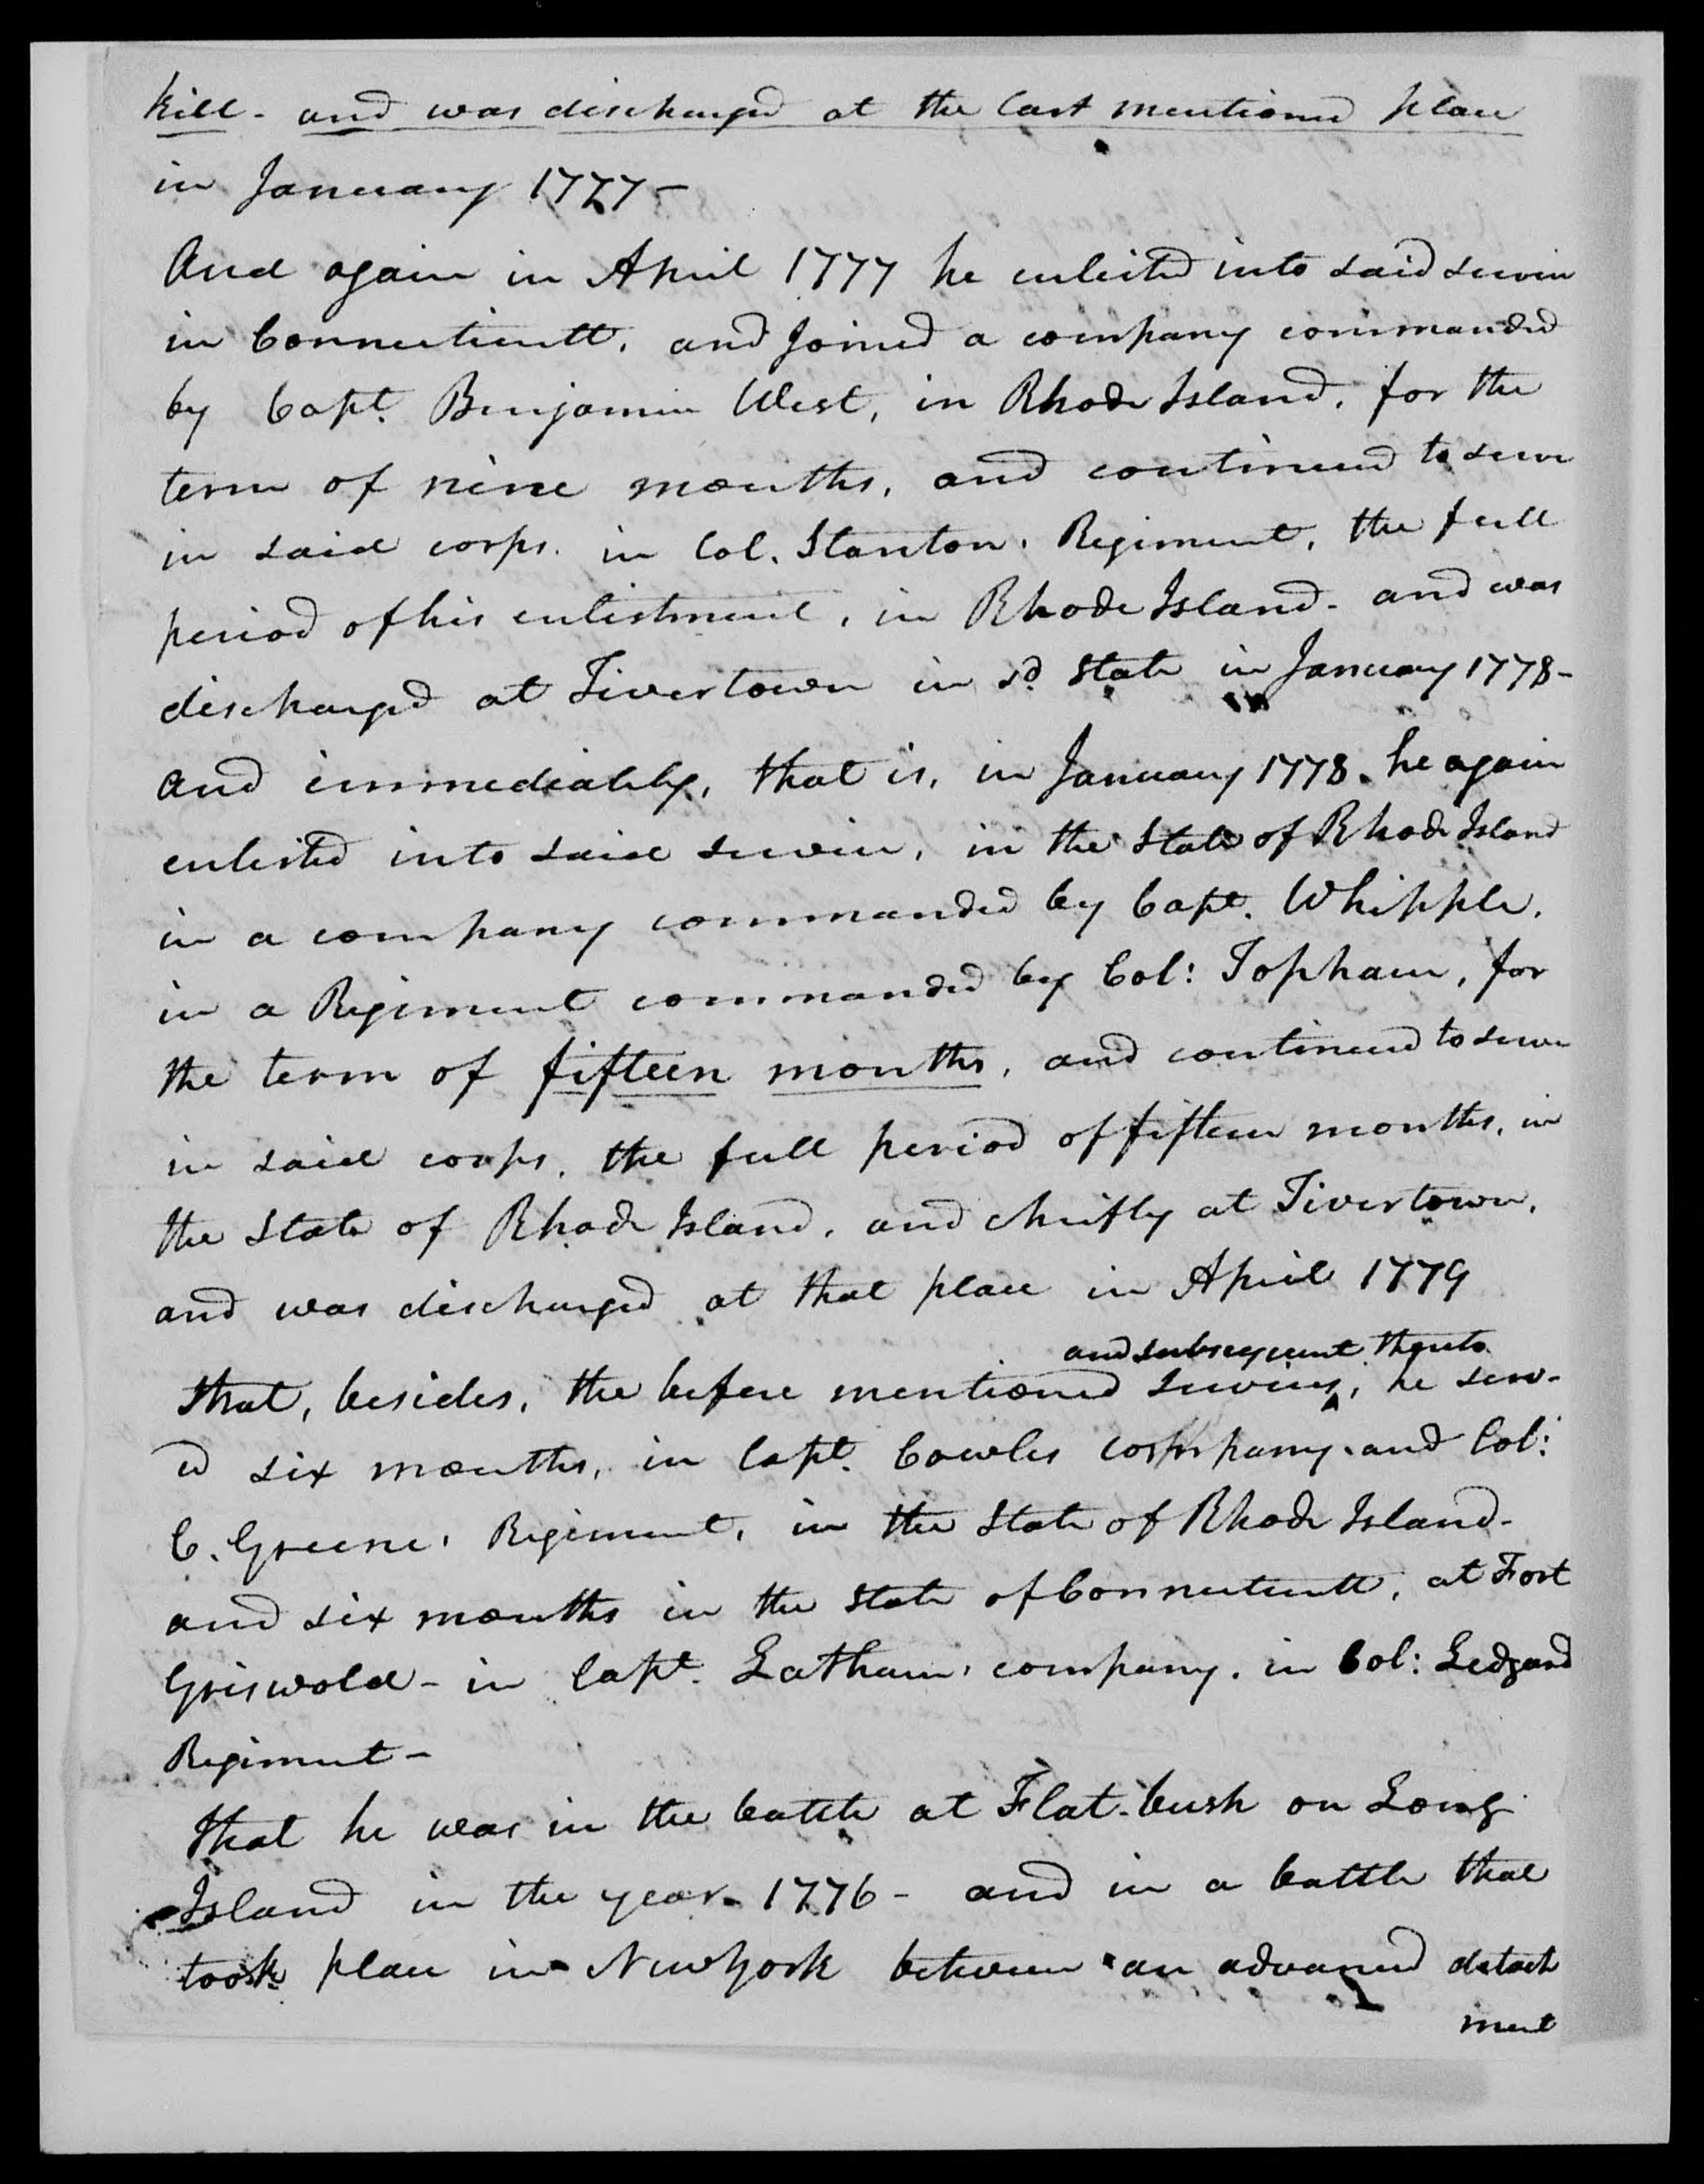and was discharged at the last mentioned place
in January 1777
And again in April 1777 he enlisted into said service
in Connecticut, and joined a company commanded
by Capt Benjamin West, in Rhode Island for the
term of nine months, and continued to serve
in said corps in Col. Stanton Regiment, the full
period of his enlistment, in Rhode Island, and was
discharged at Tivertown in sd State in January 1778
and immediately, that is, in January 1778 he again
enlisted into said service in the State of Rhode Island
in a company commanded by Capt Whipple
in a Regiment commanded by Col. Topham, for
the term of fifteen months, and continued to serve
in said corps, the full period of fifteen months, in
the State of Rhode Island, and chiefly at Tivertown
and was discharged at that place in April 1779
that, besides the before mentioned services, and subsequent thereto he served
six months, in Capt. Cowles Company and Col:
C. Greene, Regiment, in the State of Rhode Island
and six months in the State of Connecticut at Fort
Griswold in Capt. Latham company in Col. Ledyard
Regiment 
that he was in the battle at Flatbush on Long
Island in the year 1776 and in a battle that
took place in New York between an advanced detachment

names: Slanton, Tophane, Benjamin West, Whipple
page: 46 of 62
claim: widow's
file: W. 21391, Robert Holley, Conn.